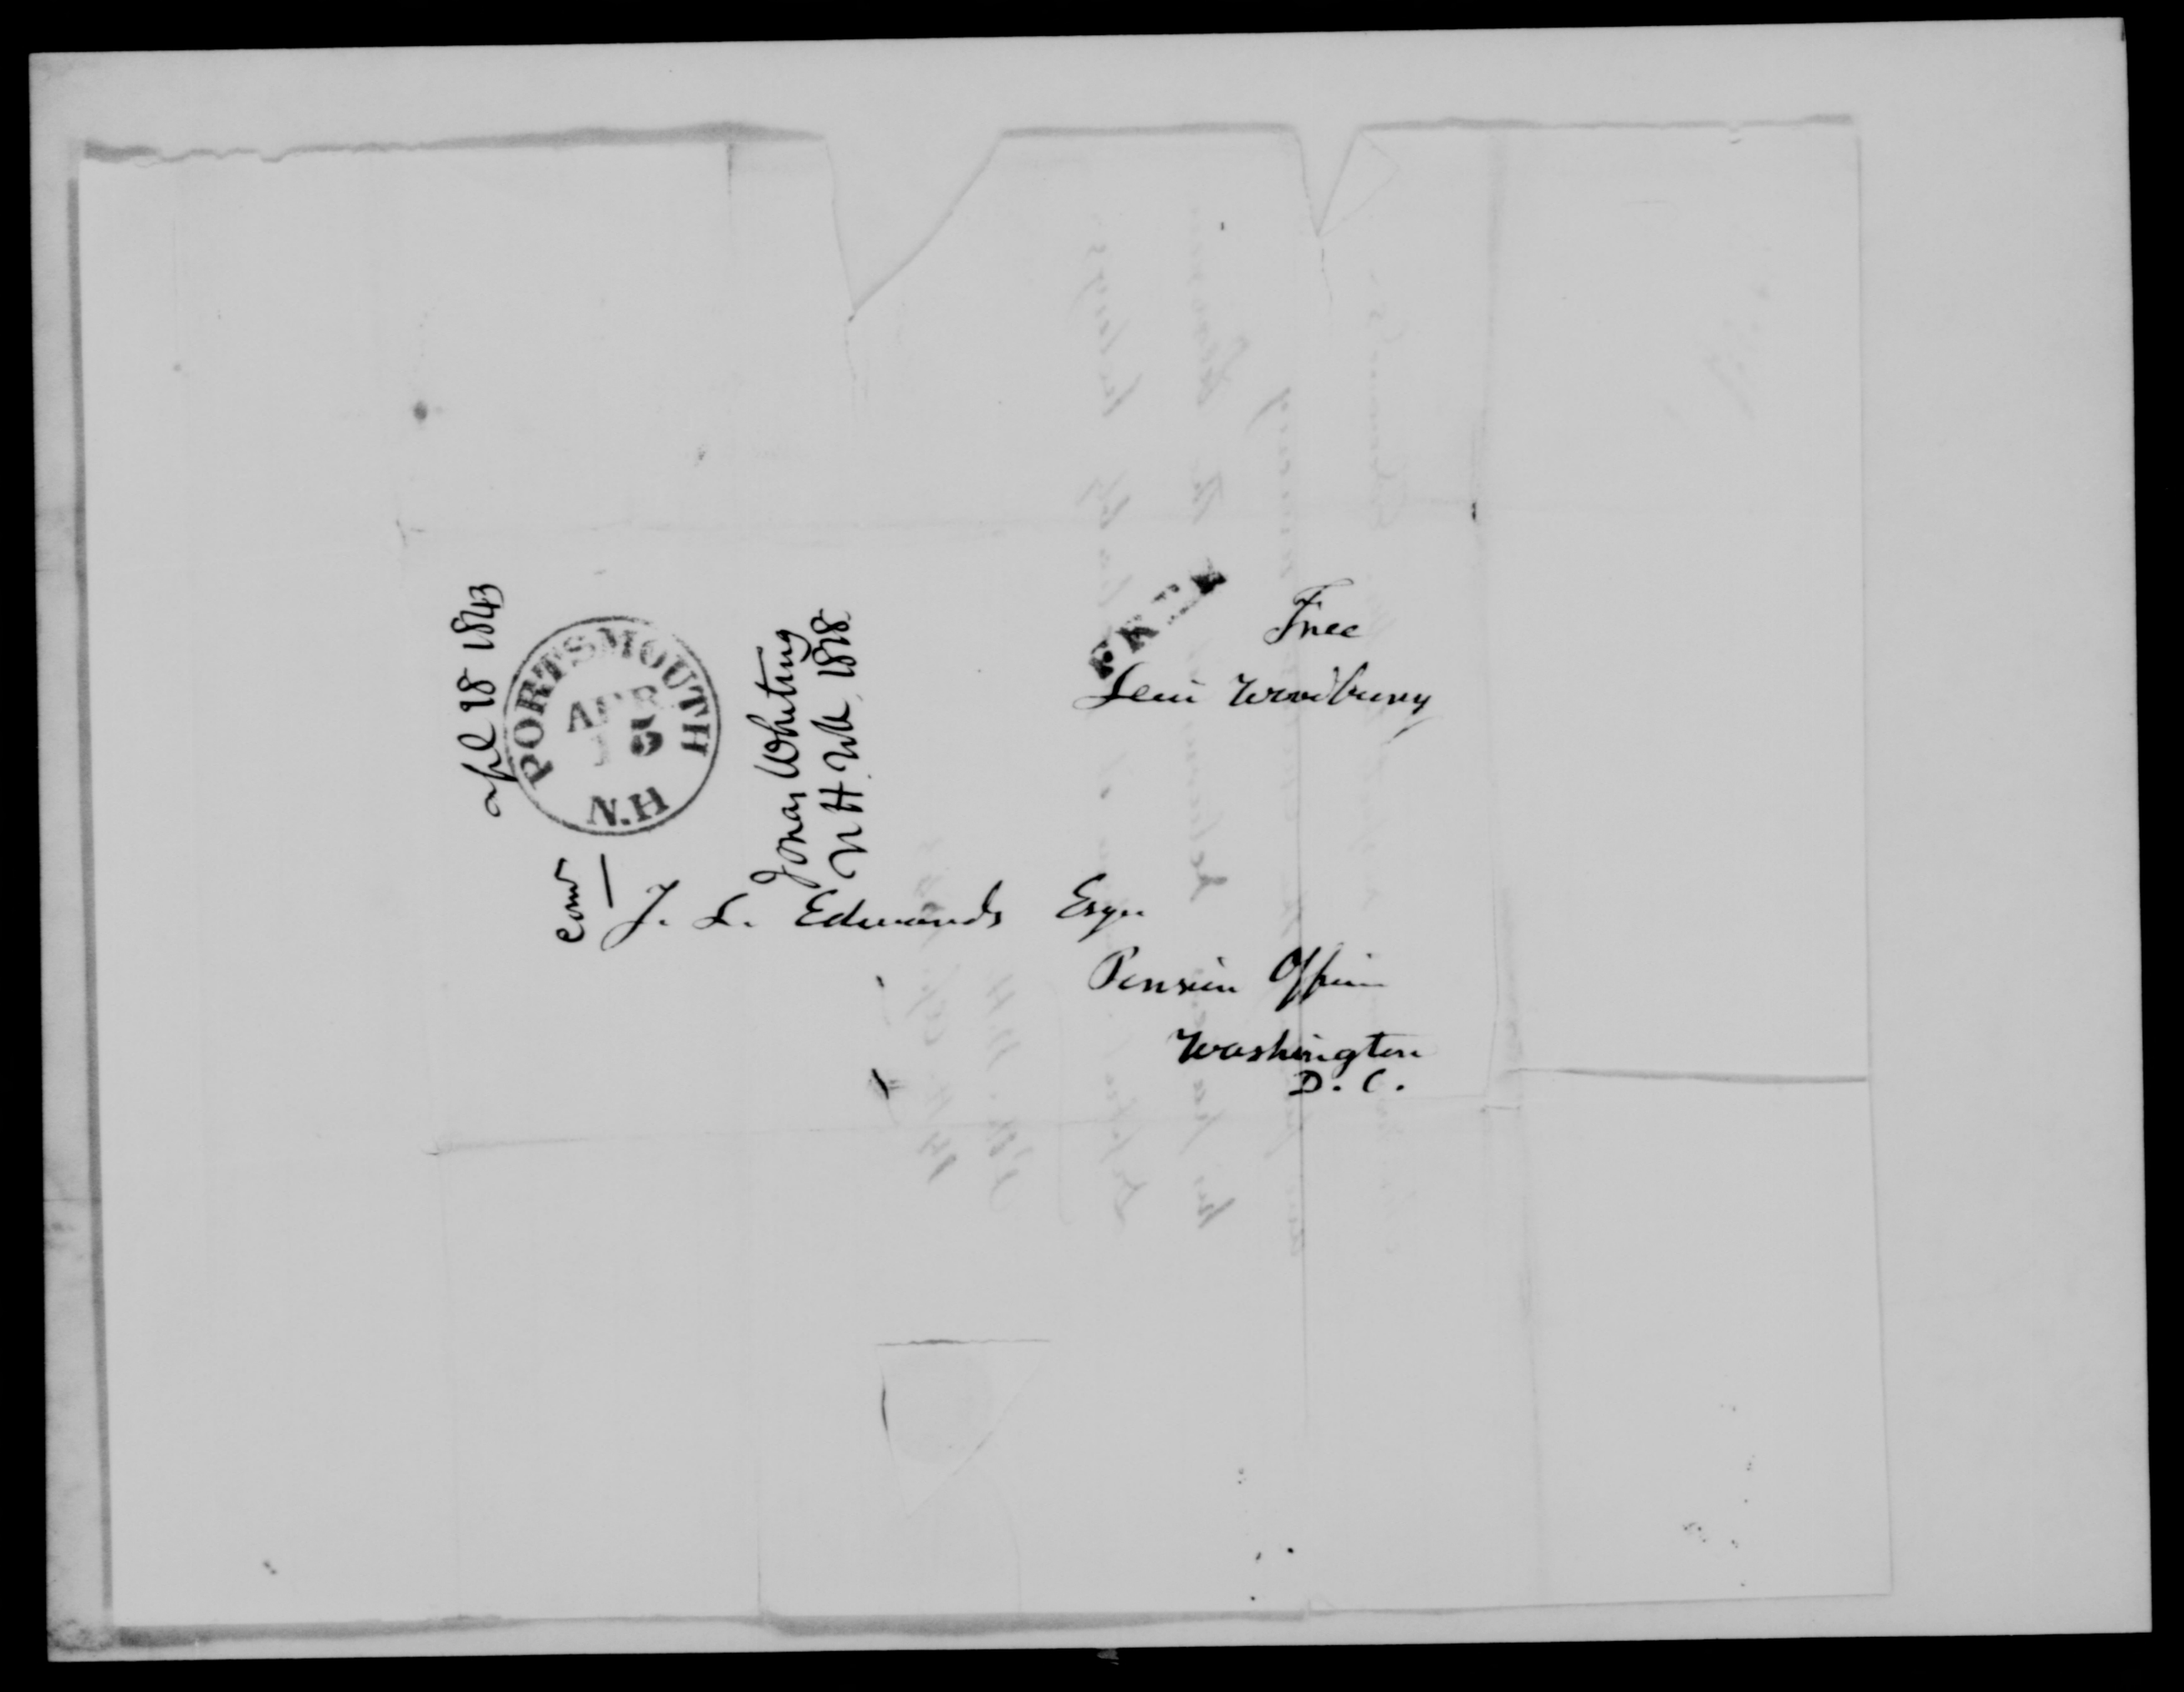18 1843
[stamp] PORTSMOUTH N.H
APR 15
Apl 18 1843
Free
Levi Woodbury
N.H.W. 1818
Jonas Whiting
J. L. Edwards Esq
Pension Office
Washington
D.C.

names: Levi Woodbury, Jonas Whiting, J L Edwards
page: 15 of 22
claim: survivor's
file: S. 43298, Jonas Whiting, Mass.